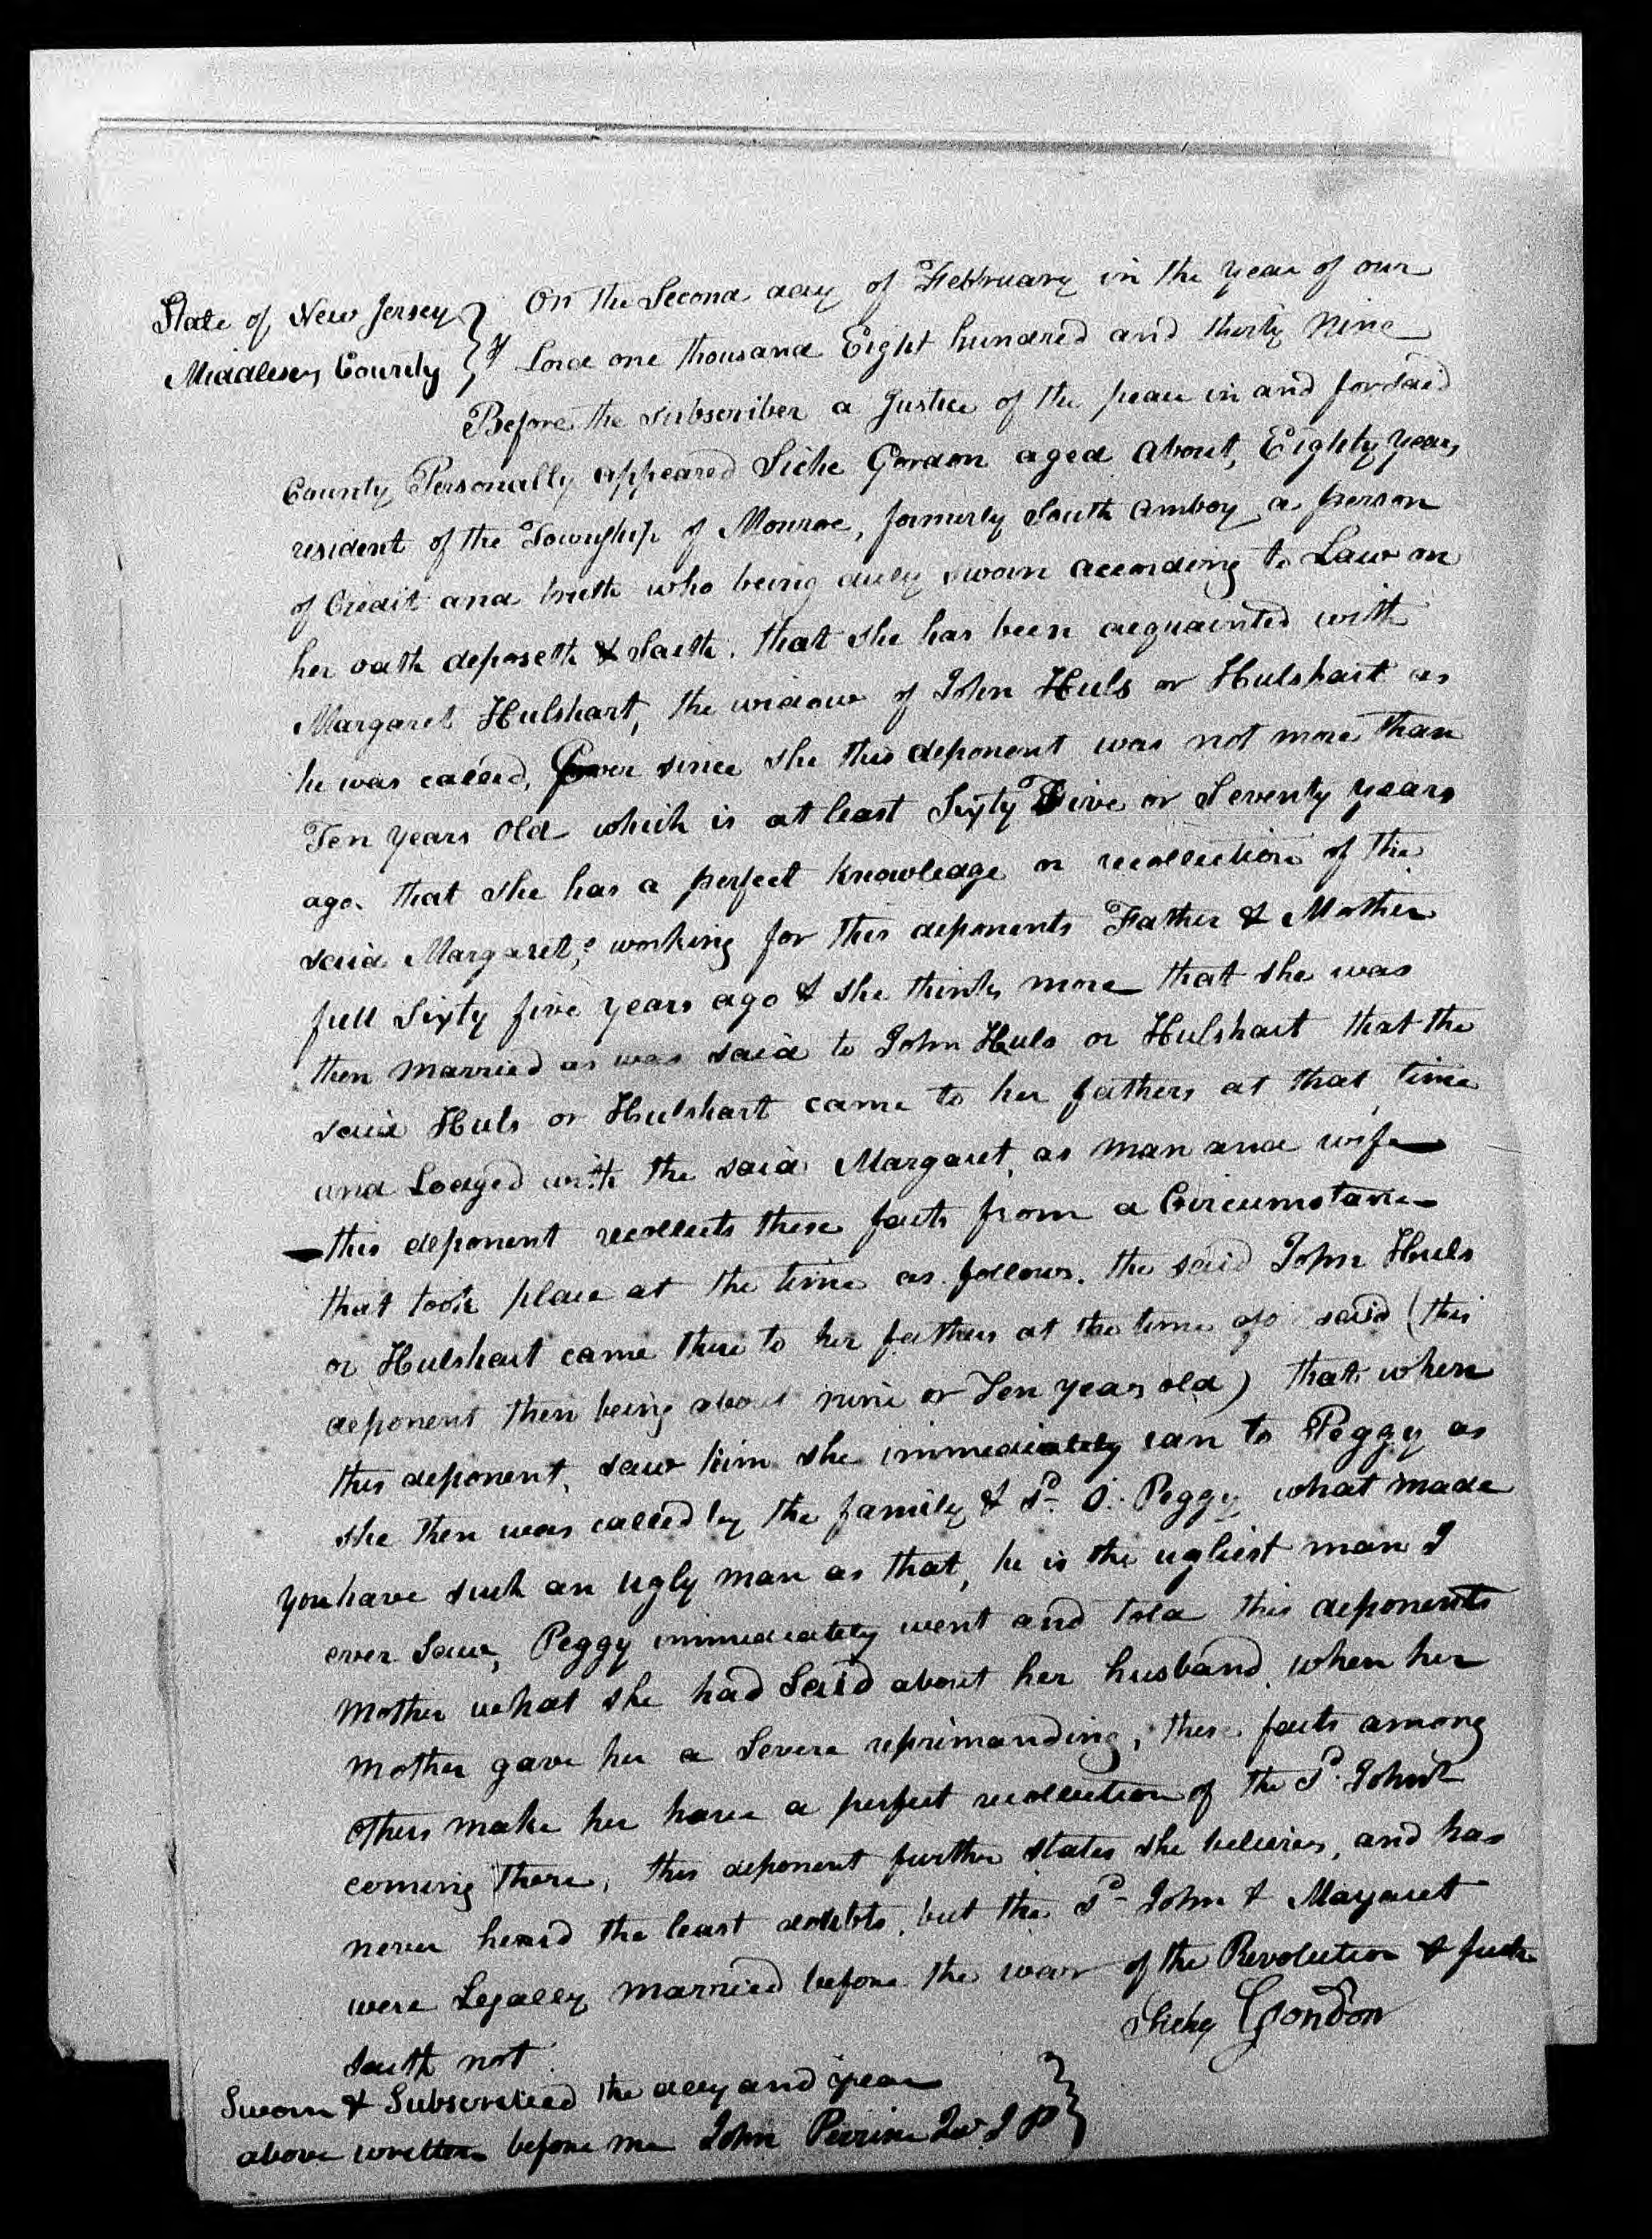State of New Jersey
Middlesex County
On the Second day of February in the Year of our Lord one thousand Eight hundred and thirty nine
Before the subscriber a Justice of the peace in and for said County, Personally appeared Siche Gordon aged about, Eighty years, resident of the Township of Monroe, formerly South Amboy a person of Credit and truth who being duly sworn according to Law on her oath deposeth & Saith, that she has been acquainted with Margaret Hulshart, the widow of John Huls or Hulshart as he was called Ever since she this deponent was more than Ten years old which is at least Sixty Five or Seventy years ago.  That she has a perfect knowledge or recollections of the said Margaret, working for this deponents Father & Mother full Sixty five years ago & she thinks more that she was then married as was said to John Huls or Hulshart that the said Huls or Hulshart came to her father at that time and Lodged with the said Margaret, as man and wife this deponent recollects them facts from a Circumstance that took place at the time as follows, the said John Huls or Hulshart came there to her father at the time aforesaid (this deponent then being about nine or ten years old) that when this deponent saw him she immediately ran to Peggy as she then was called by the family & sd O Peggy, what made you have such an ugly man as that, he is the ugliest man I ever Saw, Peggy immediately went and told this deponents Mother what she had said about her husband, when her Mother gave her a severe reprimanding, these facts among others make her have a perfect recollection of the sd John coming there, this deponent further states she believes, and has never had the least doubts, but the sd John & Margaret were Legally married before the war of the Revolution & further saith not.
Sichy Gordon
Sworn & Subscribed the day and year
above written before me John Perrine Jur. J. P.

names: Siche Gordon, John Huls, Sam Peggy, Margaret Hulshart, John Perrine, John Hulshart, Peggy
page: 30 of 34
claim: widow's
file: W. 940, John Hulshart, New Jersey